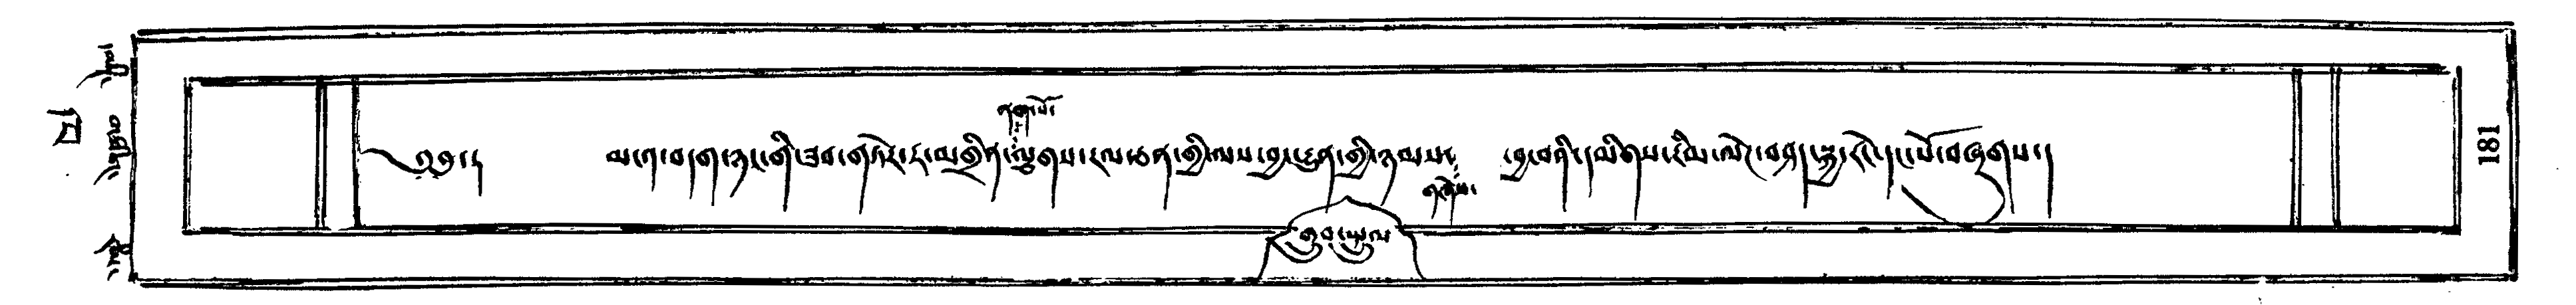༄༅། མངའ་བདག་ཉང་གི་ཟབ་གཏེར་རྟ་མགྲིན་ནག་པོ་ལྕགས་རལ་ཅན་གྱི་ལས་བྱང་རྒྱུན་གྱི་ཉམས་བཞེས་བྱ་བ་ནི་དམིགས་རིམ་ལེགས་བཤད་སྐྱ་རེངས་དང་པོ་བཞུགས།། 
 ༼གྲུབ་སྤྲུལ།༽